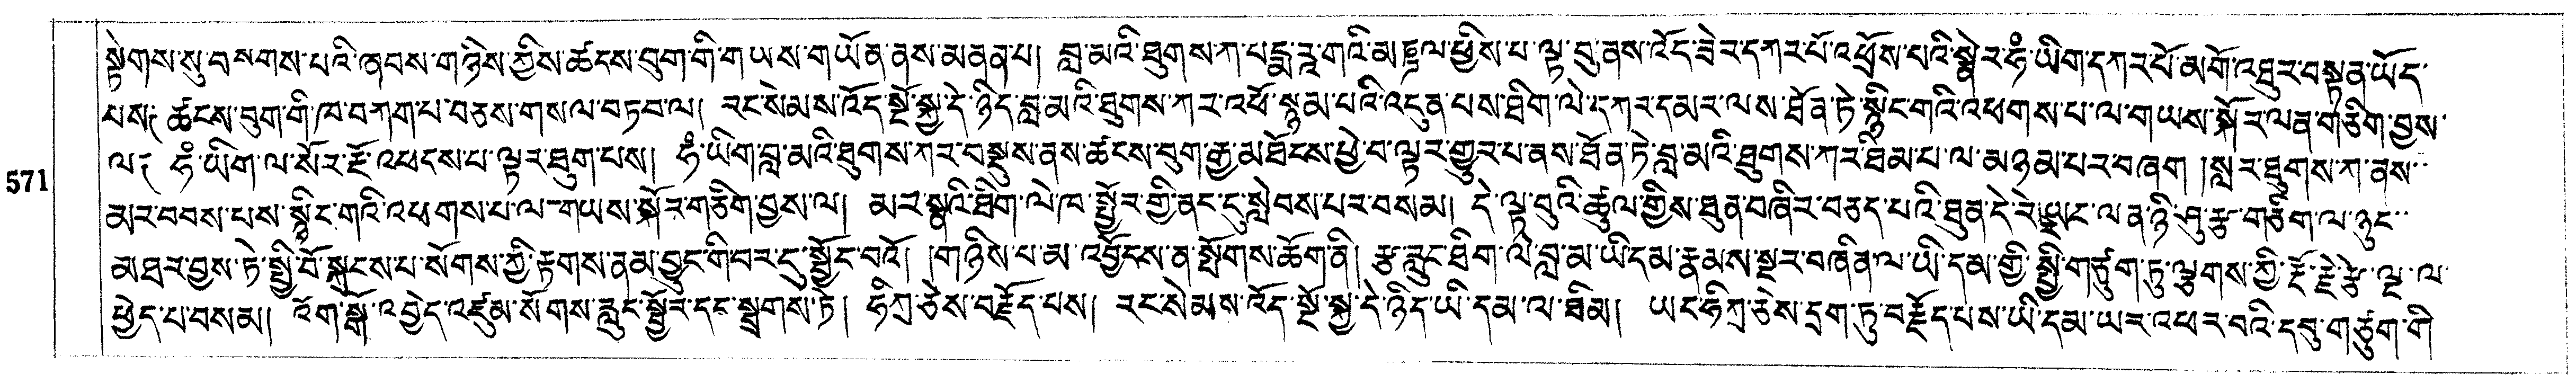སྟེགས་སུ་བསགས་པའི་ཞབས་གཉིས་ཀྱིས་ཚངས་བུག་གི་གཡས་གཡོན་ནས་མནན་པ། བླ་མའི་ཐུགས་ཀ་པདམ་རཱ་གའི་མཎྜལ་ཕྱིས་པ་ལྟ་བུ་ནས་འོད་ཟེར་དཀར་པོ་འཕྲོས་པའི་སྣེར་ཧཾ་ཡིག་དཀར་པོ་མགོ་འཐུར་བསྟན་ཡོད་
པས༑ ཚངས་བུག་གི་ཁ་བཀག་པ་བཅས་གསལ་བཏབ་ལ། རང་སེམས་འོད་སྔོ་སྐྱ་དེ་ཉིད་བླ་མའི་ཐུགས་ཀར་འཕོ་སྙམ་པའི་འདུན་པས་ཐིག་ལེ་དཀར་དམར་ལས་ཐོན་ཏེ་སྙིང་གའི་འཕགས་པ་ལ་གཡས་སྐོར་ལན་གཅིག་བྱས་
ལ༑ ཧཾ་ཡིག་ལ་སོར་རྔོ་འཕངས་པ་ལྟར་ཐུག་པས། ཧཾ་ཡིག་བླ་མའི་ཐུགས་ཀར་བསྡུས་ནས་ཚངས་བུག་རྒྱ་མཐོངས་ཕྱེ་བ་ལྟར་གྱུར་པ་ནས་ཐོན་ཏེ་བླ་མའི་ཐུགས་ཀར་ཐིམ་པ་ལ་མཉམ་པར་བཞག །སླར་ཐུགས་ཀ་ནས་
མར་བབས་པས་སྙིང་གའི་འཕགས་པ་ལ་གཡས་སྐོར་གཅིག་བྱས་ལ། མར་སྣའི་ཐིག་ལེ་ཁ་སྤྱོར་གྱི་ནང་དུ་སླེབས་པར་བསམ། དེ་ལྟ་བུའི་ཚུལ་གྱིས་ཐུན་བཞིར་བཅད་པའི་ཐུན་དེ་རེ་རེ་ཡང་ལན་ཉི་ཤུ་རྩ་གཅིག་ལ་ཉུང་
མཐར་བྱས་ཏེ་སྤྱི་བོ་སྐྲངས་པ་སོགས་ཀྱི་རྟགས་ནམ་བྱུང་གི་བར་དུ་སྦྱོང་བའོ། །གཉིས་པ་མ་འབྱོངས་ན་སྤོགས་ཆོག་ནི། རྩ་རླུང་ཐིག་ལེ་བླ་མ་ཡི་དམ་རྣམས་སྔར་བཞིན་ལ་ཡི་དམ་གྱི་སྤྱི་གཙུག་ཏུ་ལྕགས་ཀྱི་རྡོ་རྗེ་རྩེ་ལྔ་ལ་
ཕྱེད་པ་བསམ། འོག་སྒོ་འབྱེད་འཛུམ་སོགས་རླུང་སྦྱོར་དང་སྦྲགས་ཏེ། ཧིཀྲ་ཅེས་བརྗོད་པས། རང་སེམས་འོད་སྔོ་སྐྱ་དེ་ཉིད་ཡི་དམ་ལ་ཐིམ། ཡང་ཧི་ཀྲ་ཅེས་དྲག་ཏུ་བརྗོད་པས་ཡི་དམ་ཡར་འཕར་བའི་དབུ་གཙུག་གི་